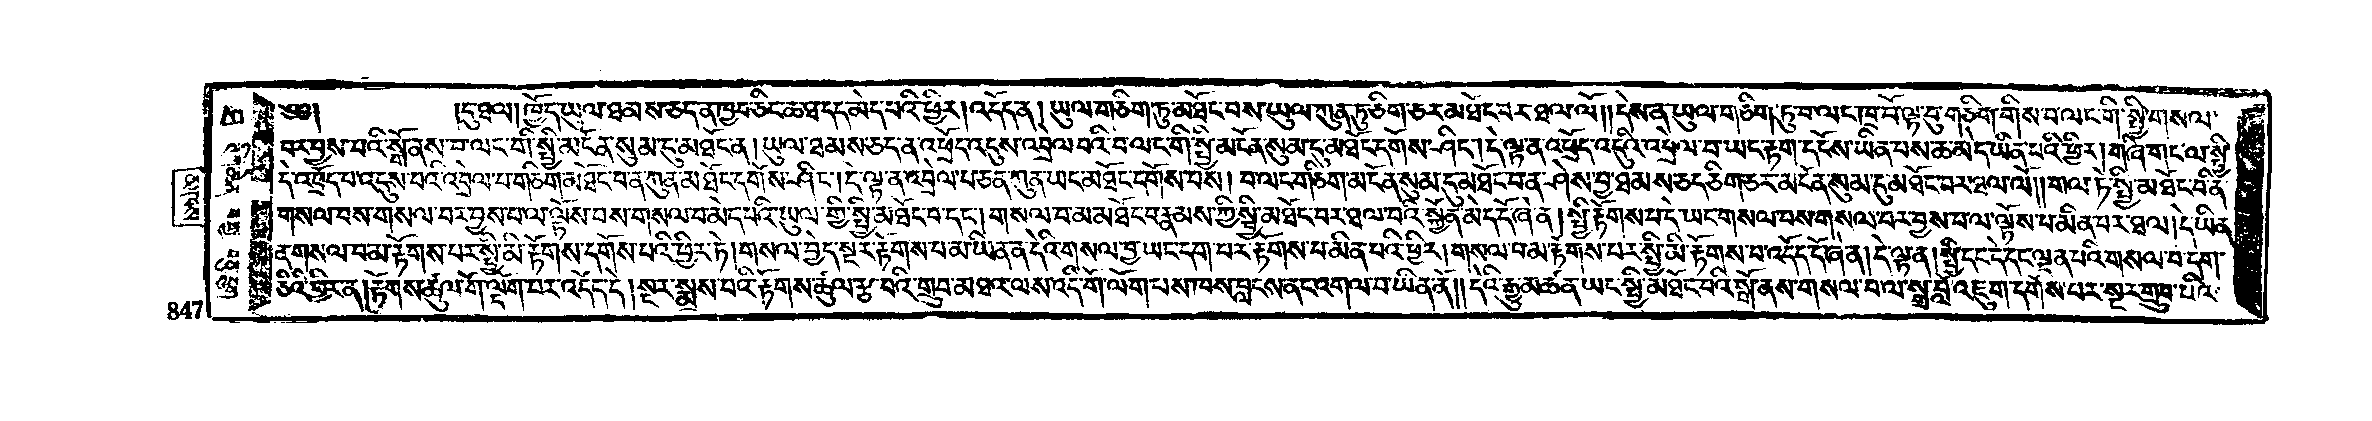༄༅། །དུ་ཐལ། ཁྱོད་ཡུལ་ཐམས་ཅད་ན་ཁྱབ་ཅིང་ཆ་ཐ་དད་མེད་པའི་ཕྱིར། འདོད་ན། ཡུལ་གཅིག་ཏུ་མཐོང་བས་ཡུལ་ཀུན་ཏུ་ཅིག་ཅར་མཐོང་བར་ཐལ་ལོ། །དེས་ན་ཡུལ་གཅིག་ཏུ་བ་ལང་ཁྲ་བོ་ལྟ་བུ་གཅིག་གིས་བ་ལང་གི་སྤྱི་གསལ་
བར་བྱས་པའི་སྒོ་ནས་བ་ལང་གི་སྤྱི་མངོན་སུམ་དུ་མཐོང་ན། ཡུལ་ཐམས་ཅད་ན་འཕྲོད་འདུས་འབྲེལ་བའི་བ་ལང་གི་སྤྱི་མངོན་སུམ་དུ་མཐོང་དགོས་ཤིང་། དེ་ལྟ་ན་འཕྲོད་འདུའི་འབྲེལ་བ་ཡང་རྟག་དངོས་ཡིན་པས་ཆ་མེད་ཡིན་པའི་ཕྱིར། གཞི་གང་ལ་སྤྱི་
དེ་འཕྲོད་པ་འདུས་པའི་འབྲེལ་བ་གཅིག་མཐོང་བ་ན་ཀུན་མཐོང་དགོས་ཤིང་། དེ་ལྟ་ན་འབྲེལ་བ་ཅན་ཀུན་ཡང་མཐོང་དགོས་པས། བ་ལང་གཅིག་མངོན་སུམ་དུ་མཐོང་བ་ན་ཤེས་བྱ་ཐམས་ཅད་ཅིག་ཅར་མངོན་སུམ་དུ་མཐོང་བར་ཐལ་ལོ། །གལ་ཏེ་སྤྱི་མཐོང་བ་ནི་
གསལ་བས་གསལ་བར་བྱས་པ་ལ་ལྟོས་པས་གསལ་བ་མེད་པའི་ཡུལ་གྱི་སྤྱི་མཐོང་བ་དང་། གསལ་བ་མ་མཐོང་བ་རྣམས་ཀྱི་སྤྱི་མཐོང་བར་ཐལ་བའི་སྐྱོན་མེད་དོ་ཞེ་ན། སྤྱི་རྟོགས་པ་དེ་ཡང་གསལ་བས་གསལ་བར་བྱས་པ་ལ་ལྟོས་པ་མིན་པར་ཐལ། དེ་ཡིན་
ན་གསལ་བ་མ་རྟོགས་པར་སྤྱི་མི་རྟོགས་དགོས་པའི་ཕྱིར་ཏེ། གསལ་བྱེད་སྔར་རྟོགས་པ་མ་ཡིན་ན་དེའི་གསལ་བྱ་ཡང་དག་པར་རྟོགས་པ་མིན་པའི་ཕྱིར། གསལ་བ་མ་རྟོགས་པར་སྤྱི་མི་རྟོགས་པ་འདོད་དོ་ཞེ་ན། དེ་ལྟ་ན། སྤྱི་དང་དེ་དང་ལྡན་པའི་གསལ་བ་དག་
ཅིའི་ཕྱིར་ན། རྟོགས་ཚུལ་གོ་ལྡོག་པར་འདོད་དེ། སྔར་སྨྲས་པའི་རྟོགས་ཚུལ་རྩ་བའི་གྲུབ་མཐའ་ལས་འདི་གོ་ལོག་པས་ཁས་བླངས་ནང་འགལ་བ་ཡིན་ནོ། །དེའི་རྒྱུ་མཚན་ཡང་སྤྱི་མཐོང་བའི་སྒོ་ནས་གསལ་བ་ལ་སྒྲ་བློ་འཇུག་དགོས་པར་སྔར་གྲུབ་པའི་